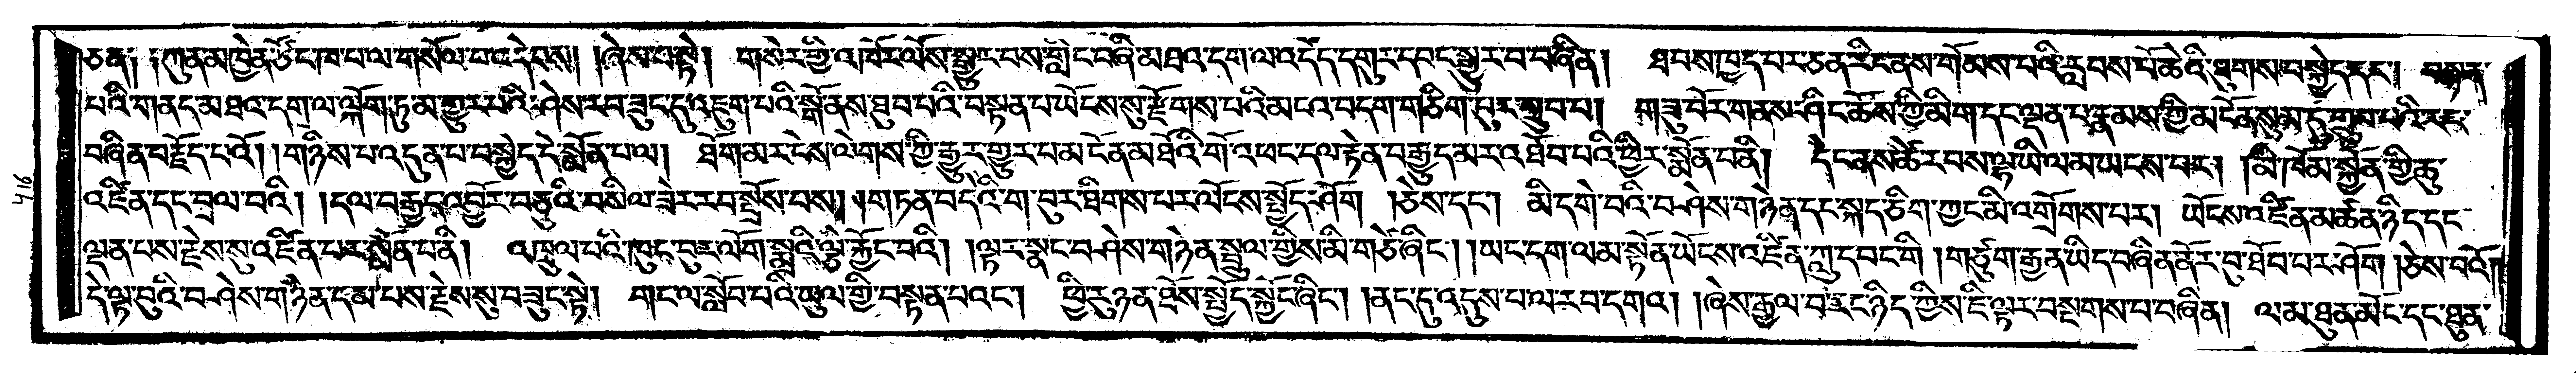ཅན༑ ༑ཀུན་མཁྱེན་ཙོང་ཁ་པ་ལ་གསོལ་བ་འདེབས། །ཞེས་པ་སྟེ། གསེར་གྱི་འཁོར་ལོས་སྒྱུར་བས་གླིང་བཞི་མཐའ་དག་ལ་འདོད་སྒྱུར་བ་བཞིན། ཐབས་ཁྱད་པར་ཅན་རིང་ནས་གོམས་པའི་རླབས་པོ་ཆེའི་ཐུགས་བསྐྱེད་དང་། བསྟན་
པའི་གནང་མཐའ་དག་ལ་ལྐོག་ཏུ་མ་གྱུར་པའི་ཤེས་རབ་ཟུང་དུ་འཇུག་པའི་སྒོ་ནས་ཐུབ་པའི་བསྟན་པ་ཡོངས་སུ་རྫོགས་པའི་མངའ་བདག་གཅིག་པུར་གྲུབ་པ། གཟུ་བོར་གནས་ཤིང་ཆོས་ཀྱི་མིག་དང་ལྡན་པ་རྣམས་ཀྱི་མངོན་སུམ་དུ་གྲུབ་པའི་རང་
བཞིན་བརྗོད་པའོ། །གཉིས་པ་འདུན་བ་བསྐྱེད་དེ་སྨོན་པ་ལ། ཐོག་མར་ངེས་ལེགས་ཀྱི་རྒྱུར་གྱུར་པ་མངོན་མཐའི་གོ་འཕང་དལ་རྟེན་བརྒྱུད་མར་འཐོབ་པའི་ཕྱིར་སྨོན་པ་ནི། དེང་ནས་ཚེ་རབས་ལྷ་ཡི་ལམ་ཡངས་པར། །མི་ཁོམ་སྐྱོན་གྱི་ཆུ་
འཛིན་དང་བྲལ་བའི། །དལ་བརྒྱད་འབྱོར་བཅུའི་བསིལ་ཟེར་རབ་སྤྲོས་བས། །གཏན་བདེའི་ག་བུར་ཐིགས་པར་ལོངས་སྦྱོད་ཤོག །ཅེས་དང་། མི་དགེ་བའི་བཤེས་གཉེན་དང་སྐད་ཅིག་ཀྱང་མི་འགྲོགས་པར། ཡོངས་འཛིན་མཚན་ཉིད་དང་
ལྡན་པས་རྗེས་སུ་འཛིན་པར་སྨོན་བ་ནི། འཁྲུལ་པའི་ཁུང་བུར་ལོག་སྨྲའི་ལྕེ་རྐྱོང་བའི། །ལྟར་སྣང་བཤེས་གཉེན་སྦྲུལ་གྱིས་མི་གཙེ་ཞིང་། །ཡང་དག་ལམ་སྟོན་ཡོངས་འཛིན་ཀླུ་དབང་གི། །གཙུག་རྒྱན་ཡིད་བཞིན་ནོར་བུ་ཐོབ་པར་ཤོག །ཅེས་པའོ།།
དེ་ལྟ་བུའི་བཤེས་གཉེན་དམ་པས་རྗེས་སུ་བཟུང་སྟེ། གང་ལ་སློབ་བའི་ཡུལ་གྱི་བསྟན་པའང་། ཕྱི་རུ་ཉན་ཐོས་སྤྱོད་སྦྱོང་ཞིང་། །ནང་དུ་འདུས་པ་ལ་རབ་དགའ། །ཞེས་རྒྱལ་བ་རང་ཉིད་ཀྱིས་ཇི་ལྟར་བསྔགས་བ་བཞིན། ལམ་ཐུན་མོང་དང་ཐུན་